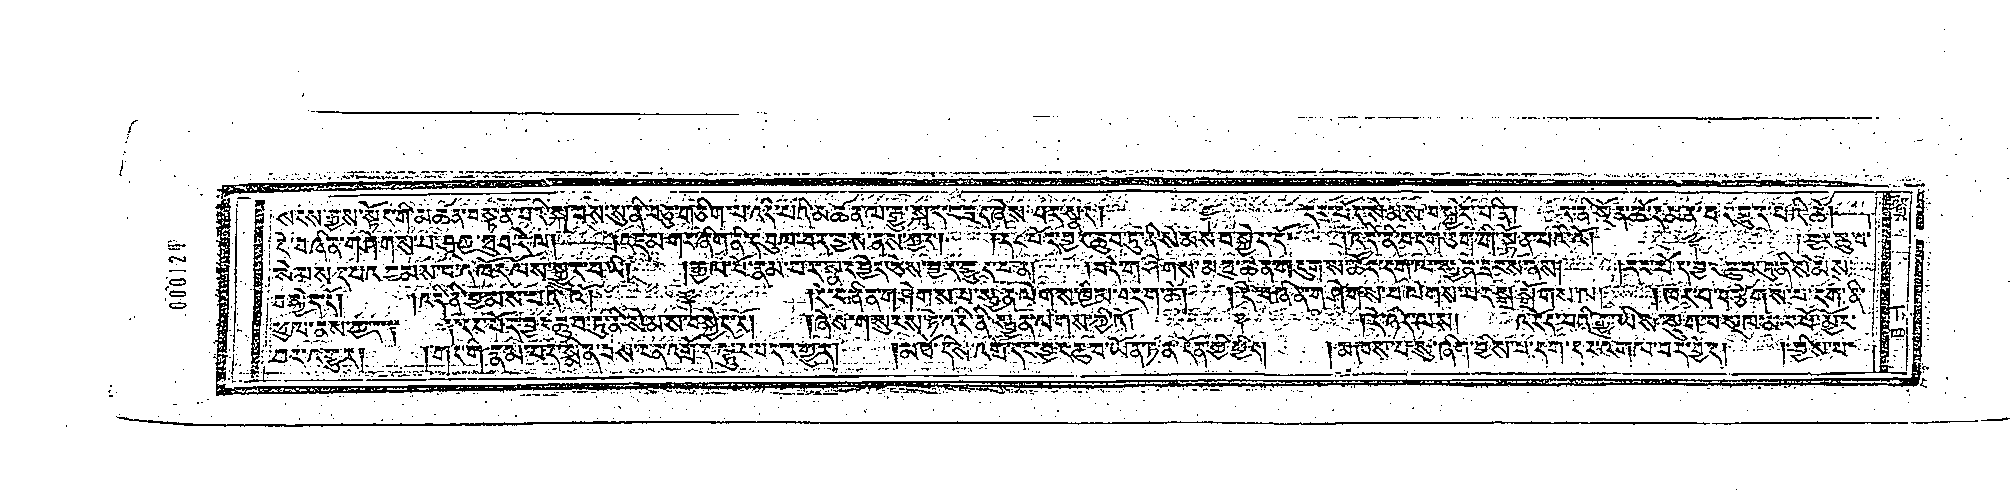སངས་རྒྱས་སྟོང་གི་མཚན་བསྟན་པའི་སྐབས་སུ་ནི་བཅུ་གཅིག་པ་འདི་པའི་མཚན་ལ་རྒྱུ་སྐད་བཟང་ཞེས་བར་སྣང་། ༈ དང་པོར་སེམས་བསྐྱེད་པ་ནི། ང་ནི་སྔོན་ཚེ་དམན་བར་གྱུར་པའི་ཚེ། །
དེ་བཞིན་གཤེགས་པ་ཤཱཀྱ་ཐུབ་དེ་ལ། །འཇམ་གང་ཞིག་ནི་དབུལ་བར་བྱས་ནས་ཀྱང་། །དང་པོར་བྱང་ཆུབ་ཏུ་ནི་སེམས་བསྐྱེད་དོ། །འདི་ནི་བདག་ཅག་གི་སྟོན་པའི་ལོ། ༈ །བྱང་ཆུབ་
སེམས་དཔའ་བྱམས་པ་འཁོར་ལོས་སྒྱུར་བ་ཡི། །རྒྱལ་པོ་རྣམ་པར་སྣང་བྱེད་ཅེས་བྱང་གྱུར་པ་ན། །བདེ་གཤེགས་མཐུ་ཆེན་གདུགས་ཚོད་དག་ལ་སྤྱན་དྲངས་ནས། །དང་པོར་བྱང་ཆུབ་ཏུ་ནི་སེམས་
བསྐྱེད་དོ། །འདི་ནི་བྱམས་པའི་འོ། ༈ །དེ་བཞིན་གཤེགས་པ་སྤྱན་ལེགས་ཁྱིམ་བདག་ཚེ། །དེ་བཞིན་གཤེགས་པ་ལེགས་པར་སྒྲ་སྒྲོགས་ལ། །ཁང་པ་བརྩེགས་པ་དག་ནི་
ཕུལ་ནས་ཀྱང༑ ༑དང་པོར་བྱང་ཆུབ་ཏུ་ནི་སེམས་བསྐྱེད་དོ། །ཞེས་གསུངས་ཏེ་འདི་ནི་སྤྱན་ལེགས་ཀྱིའོ། ༈ །དེ་ཉིད་ལས། འདོད་པའི་རྒྱུ་ཡིས་སྡུག་བསྔལ་མང་པོ་མྱོང་
བར་འགྱུར། །གང་གི་རྣམ་པར་སྨིན་པས་ངན་འགྲོར་ལྟུང་པར་འགྱུར། །མཐོ་དིས་འགྲོ་དང་བྱང་ཆུབ་ཡོན་ཏན་དོན་གྱི་ཕྱིར། །མཁས་པ་སུ་ཞིག་བྱིས་པ་དག་དང་འགལ་བར་བྱེད། །བྱིས་པ་